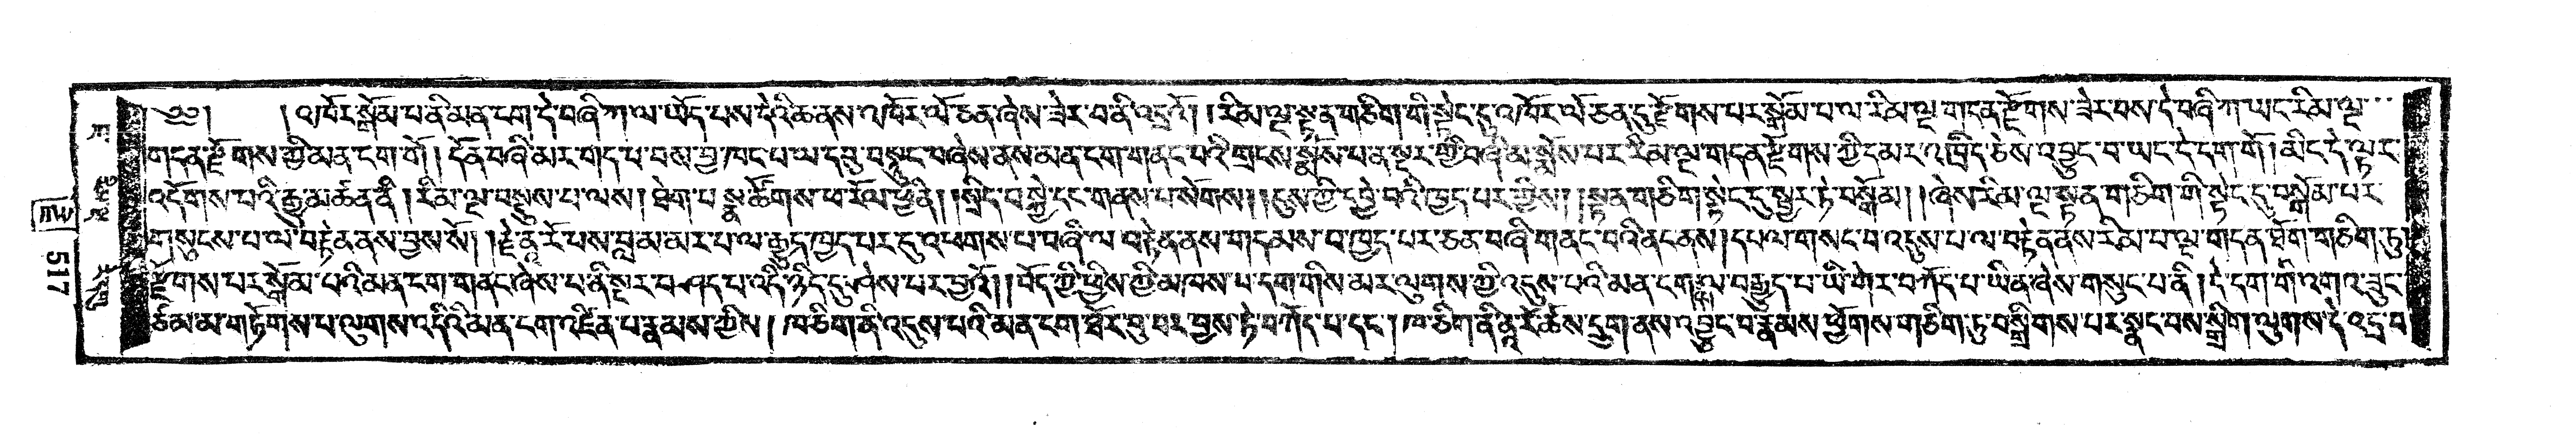༄༅། །འཁོར་སྒོམ་པ་ནི་མན་ངག་དེ་བཞི་ཀ་ལ་ཡོད་པས་དེའི་ཆ་ནས་འཁོར་ལོ་ཅན་ཞེས་ཟེར་བ་ནི་འདྲའོ། །རིམ་ལྔ་སྟན་གཅིག་གི་སྟེང་དུ་འཁོར་ལོ་ཅན་དུ་རྫོགས་པར་སྒོམ་པ་ལ་རིམ་ལྔ་གདན་རྫོགས་ཟེར་བས་དེ་བཞི་ཀ་ཡང་རིམ་ལྔ་
གདན་རྫོགས་ཀྱི་མན་ངག་གོ །དོན་བཞི་མར་གད་པ་བས་བྱ་ཁང་པ་ལ་དབུ་བསྙུང་བཞེས་ནས་མན་ངག་གནང་བའི་གྲངས་སྨོས་པ་ན་སྔར་གྱི་བཞི་མ་སྨོས་པར་རིམ་ལྔ་གདན་རྫོགས་ཀྱི་དམར་འཁྲིད་ཅེས་འབྱུང་བ་ཡང་དེ་དག་གོ །མིང་དེ་ལྟར་
འདོགས་པའི་རྒྱུ་མཚན་ནི། རིམ་ལྔ་བསྡུས་པ་ལས། ཐེག་པ་སྣ་ཚོགས་ཕ་རོལ་ཕྱིན། །སྲིད་པ་སྐྱེ་དང་གནས་པ་སོགས། །དུས་ཀྱི་དབྱེ་བའི་ཁྱད་པར་གྱིས། །སྟན་གཅིག་སྟེང་དུ་སྦྱར་ཏེ་བསྒོམ། །ཞེས་རིམ་ལྔ་སྟན་གཅིག་གི་སྟེང་དུ་བསྒོམ་པར་
གསུངས་པ་ལ་བརྟེན་ནས་བྱས་སོ། །རྗེ་ནཱ་རོ་པས་བླ་མ་མར་པ་ལ་རྒྱུད་ཁྱད་པར་དུ་འཕགས་པ་བཞི་ལ་བརྟེན་ནས་གདམས་པ་ཁྱད་པར་ཅན་བཞི་གནང་བའི་ནང་ནས། དཔལ་གསང་བ་འདུས་པ་ལ་བརྟེན་ནས་རིམ་པ་ལྔ་གདན་ཐོག་གཅིག་ཏུ་
རྫོགས་པར་སྒོམ་པའི་མན་ངག་གནང་ཞེས་པ་ནི་སྔར་བཤད་པ་འདི་ཉིད་དུ་ཤེས་པར་བྱའོ། །བོད་ཀྱི་ཕྱིས་ཀྱི་མཁས་པ་དག་གིས་མར་ལུགས་ཀྱི་འདུས་པའི་མན་ངག་དག་ལ་བརྒྱུད་པ་ཡི་གེར་བཀོད་པ་ཡིན་ཞེས་གསུང་པ་ནི། དེ་དག་གི་འགའ་ཟུང་
ཙམ་མ་གཏོགས་པ་ལུགས་འདིའི་མན་ངག་འཛིན་པ་རྣམས་ཀྱིས། ཁ་ཅིག་ནི་འདུས་པའི་མན་ངག་ཐོར་བུ་བར་བྱས་ཏེ་བཀོད་པ་དང་། ཁ་ཅིག་ནི་ནཱ་རོ་ཆོས་དྲུག་ནས་འབྱུང་བ་རྣམས་ཕྱོགས་གཅིག་ཏུ་བསྒྲིགས་པར་སྣང་བས་སྒྲིག་ལུགས་དེ་འདྲ་བ་